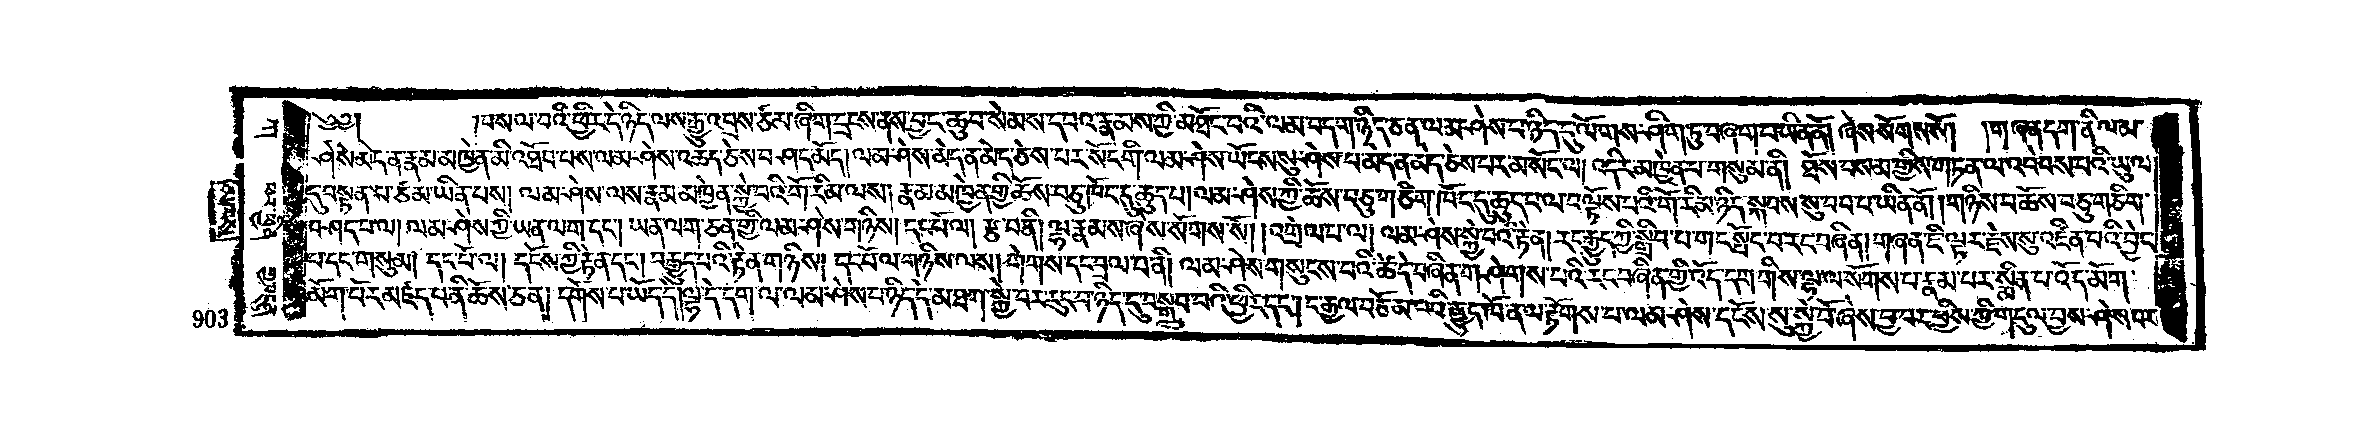༄༅། །བསལ་བའི་ཕྱིར་དེ་ཉིད་ལས་རྒྱུ་འབྲས་ཙམ་ཞིག་དྲངས་ནས་བྱང་ཆུབ་སེམས་དཔའ་རྣམས་ཀྱི་མཐོང་བའི་ལམ་བདག་ཉིད་ཅན་ལམ་ཤེས་པ་ཉིད་དུ་ལོགས་ཤིག་ཏུ་བཞག་པ་ཡིན་ནོ། ཞེས་སོགས་སོ། །གཞན་དག་ནི་ལམ་
ཤེས་མེད་ན་རྣམ་མཁྱེན་མི་འཐོབ་པས་ལམ་ཤེས་འཆད་ཅེས་བཤད་མོད། ལམ་ཤེས་མེད་ན་མེད་ཅེས་པར་སོང་གི་ལམ་ཤེས་ཡོངས་སུ་ཤེས་པ་མེད་ན་མེད་ཅེས་པར་མ་སོང་ལ། འདིར་མཁྱེན་པ་གསུམ་ནི། ཐོས་བསམ་གྱིས་གཏན་ལ་འབེབས་པའི་ཡུལ་
དུ་བསྟན་པ་ཙམ་ཡིན་པས། ལམ་ཤེས་ལས་རྣམ་མཁྱེན་སྐྱེ་བའི་གོ་རིམ་ལས། རྣམ་མཁྱེན་གྱི་ཆོས་བཅུ་ཁོང་དུ་ཆུད་པ། ལམ་ཤེས་ཀྱི་ཆོས་བཅུ་གཅིག་ཁོང་དུ་ཆུད་པ་ལ་བལྟོས་པའི་གོ་རིམ་ཉིད་སྐབས་སུ་བབ་པ་ཡིན་ནོ། །གཉིས་པ་ཆོས་བཅུ་གཅིག་
བཤད་པ་ལ། ལམ་ཤེས་ཀྱི་ཡན་ལག་དང་། ཡན་ལག་ཅན་གྱི་ལམ་ཤེས་གཉིས། དང་པོ་ལ། རྩ་བ་ནི། ལྷ་རྣམས་ཞེས་སོགས་སོ། །འགྲེལ་པ་ལ། ལམ་ཤེས་སྐྱེ་བའི་རྟེན། རང་རྒྱུད་ཀྱི་སྒྲིབ་པ་གང་སྤོང་བ་རང་བཞིན། གཞན་ཇི་ལྟར་རྗེས་སུ་འཛིན་པའི་བྱེད་
པ་དང་གསུམ། དང་པོ་ལ། དངོས་ཀྱི་རྟེན་དང་། བརྒྱུད་པའི་རྟེན་གཉིས། དང་པོ་ལ་གཉིས་ལས། གེགས་དང་བྲལ་བ་ནི། ལམ་ཤེས་གསུངས་པའི་ཚེ་དེ་བཞིན་གཤེགས་པའི་རང་བཞིན་གྱི་འོད་དག་གིས་ལྷ་ལ་སོགས་པ་རྣམ་པར་སྨིན་པ་འོད་མོག་
མོག་པོར་མཛད་པ་ནི་ཆོས་ཅན། དགོས་པ་ཡོད་དེ། ལྷ་དེ་དག་ལ་ལམ་ཤེས་པ་ཉིད་དེ་མ་ཐག་སྐྱེ་བར་རུང་བ་ཉིད་དུ་བསྒྲུབ་པའི་ཕྱིར་དང་། ང་རྒྱལ་བཅོམ་པའི་རྒྱུད་ཁོ་ན་ལ་རྟོགས་པ་ལམ་ཤེས་དངོས་སུ་སྐྱེ་བོ་ཞེས་བྱ་བར་ཕྱིས་ཀྱི་གདུལ་བྱས་ཤེས་པར་